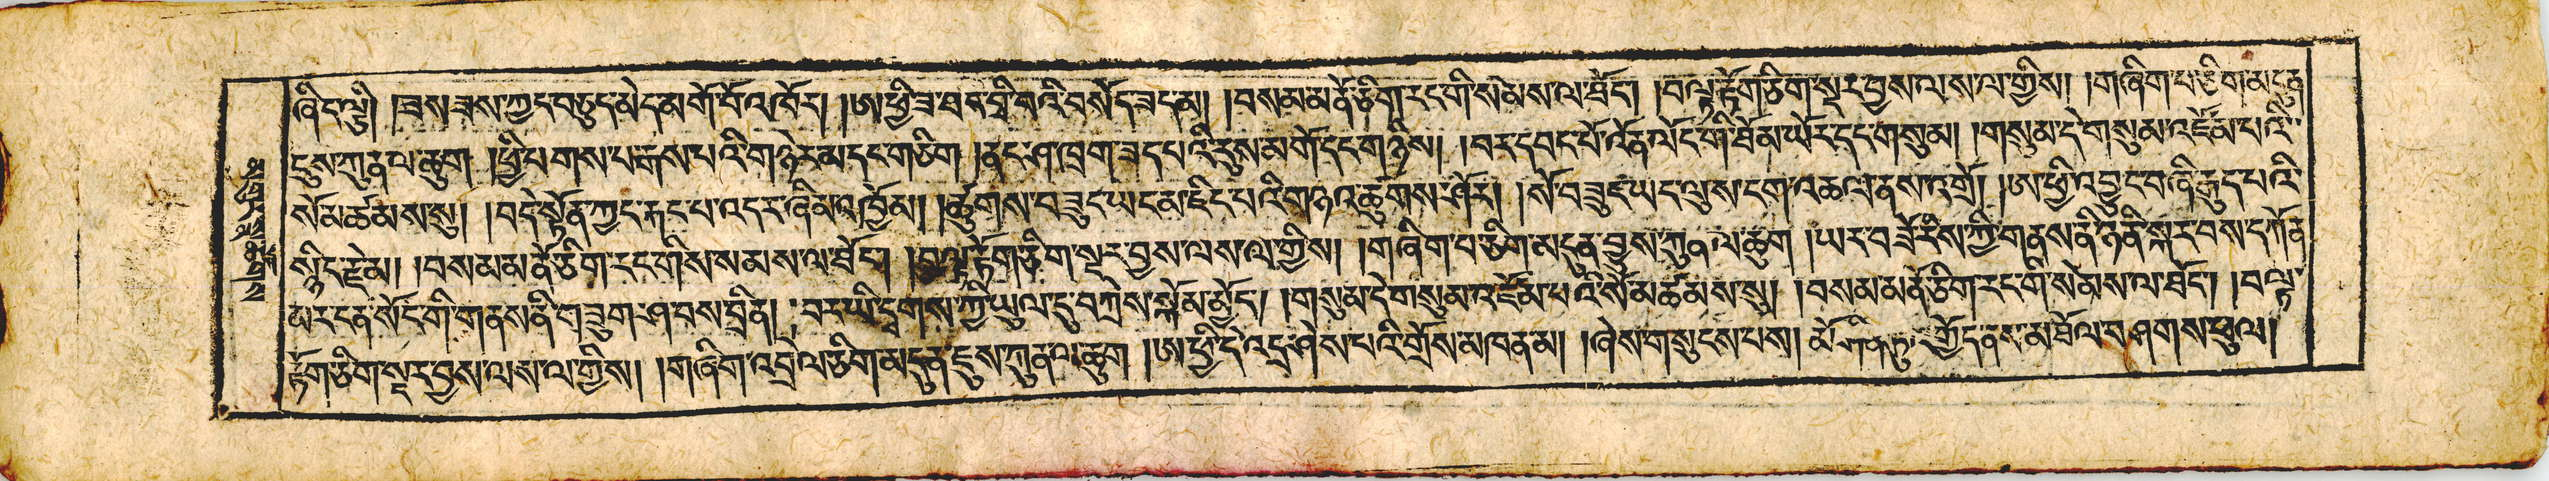ཞིང་ལྕེ། །ཟས་ཟས་ཀྱང་བཅུད་མེད་མགོ་བོ་འཁོར། །ཨ་ཕྱི་ཟ་ཐབ་བྲི་བའི་བསོད་ཟད་མ། །བསམ་མནོ་ཅིག་རང་གི་སེམས་ལ་ཐོང་། །བལྟ་རྟོག་ཅིག་སྔར་བྱས་ལས་ལ་གྱིས། །གཞིག་པ་ཅིག་མདུན་
དུས་ཀུན་ལ་ཆུག །ཕྱི་པགས་པ་རྒས་པའི་གཉེར་མ་དང་གཅིག །ནང་ཤ་ཁྲག་ཟད་པའི་རས་མགོ་དང་གཉིས། །བར་དབང་པོ་འོན་ལོང་གི་ཐོམ་ཡོར་དང་གསུམ། །གསུམ་དེ་གསུམ་འཛོམ་པའི་
སོ་མཚམས་སུ། །བདེ་སྟོན་ཀྱང་རྐང་པ་འདར་ཞིམ་འཁྱོམ། །ཚུགས་བཟུང་ཡང་མཇིང་པའི་གཉའ་ཚུགས་ཤིར། །སོ་བཟུང་ཡང་ལུས་ངག་འཆལ་ནས་འགྲོ། །ཨ་ཕྱི་འབྱུང་བཞི་རྒུད་པའི་
སྙིང་རྗེ་མ། །བསམ་མནོ་ཅིག་དང་གིས་སེམས་ལ་ཐོང་། །བལྟ་རྟོག་ཅིག་སྔར་བྱས་ལས་ལ་གྱིས། །གཞིག་པ་ཅིག་མདུན་བྱུས་ཀུན་ལ་ཆུག །ཡར་མཐོ་རིས་ཀྱི་གནས་ནི་ཉིན་སྐར་བས་དཀོན། །
མར་ངན་སོང་གི་གནས་ནི་གཟུག་ཤ་བས་དྲིན། བར་ཡི་དྭགས་ཀྱི་ཡུལ་དུ་བཀྲེས་སྐེམ་མྱོང་། །གསུམ་དེ་གསུམ་འཛོམ་པའི་ས་མཚམས་སུ། །བསམ་མནོ་ཅིག་རང་གི་སེམས་ལ་ཐང་། །བལྟ་
རྟོག་ཅིག་སྔར་བྱས་ལས་ལ་གྱིས། །གཞིག་འབྲེལ་ཅིག་མདུན་ཇུས་ཀུན་ལ་ཚུག །ཨ་ཕྱི་དེ་འདྲ་ཤེས་པའི་གྲོས་མཁན་མ། །ཞེས་གསུངས་པས། །མོ་ཤིན་ཏུ་འགྱོད་ནས་མཐོལ་བཤགས་ཕུལ། །